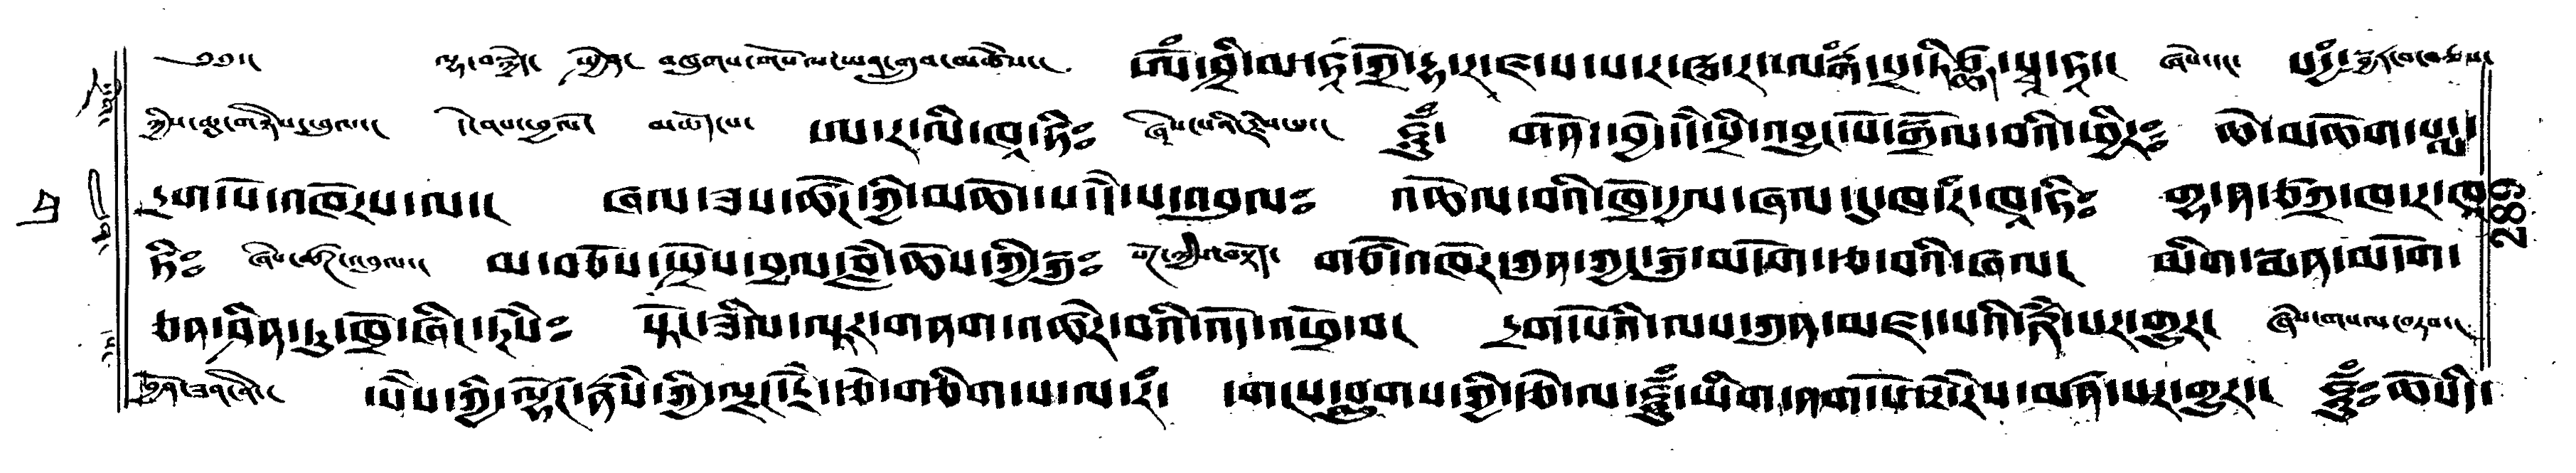ལྷ་བསྐྱེད། སྤྱན་འདྲེན། བཞུགས་གསོལ་ཡན་གྲུབ་མཚམས། ཨོཾ་ཤྲི་མ་ཧཱ་ཀྲོ་དྷ་རཱ་ཛ་ས་པ་ར་ཝ་ར་ཨརྒྷཾ་པྲ་ཏིཙྪ་སྭ་ཧཱ། ཞེས་དང་། པངྱཾ་སྦྱར་བ་བཅས་
ཀྱི་ཆུ་གཉིས་ཕུལ། དེ་ནས་ཕྱག་འཚལ། མཆོད་པ། ཨ་ར་ལི་ཁཱ་ཧིཿ ཞེས་པའི་རྗེས་སུ། ཧཱུྃ༔ གནོད་བྱེད་དམ་སྲི་འབྱུང་པོ་སྒྲོལ་བའི་ཕྱིར༔ ཆེ་མཆོག་པདྨ་
དྲག་པོ་འཁོར་བཅས་ལ༔ ཞལ་ཟས་ཚོགས་ཀྱི་མཆོད་པ་དམ་པ་འབུལ༔ འཆོལ་བའི་ཁྲོ་རྒྱལ་ཞལ་དུ་ཁ་རཾ་ཁཱ་ཧི༔ གྷ་ན་ཙཀྲ་ཁ་རཾ་ཁཱ་
ཧི༔ ཞེས་ཚོགས་འབུལ། མ་བཅོས་སྤྲོས་བྲལ་བླ་མ་ཆོས་ཀྱི་སྐུ༔ སོགས་ཀྱིས་བསྟོད། གཙོ་འཁོར་ཀུན་ཀྱང་སྐུ་མདོག་རྩ་བའི་ཞལ༔ མིག་སྨན་མདོག་
ཅན་ཤིན་ཏུ་ཁྲོ་ཞིང་རྔམས༔ སྟོང་ཟིལ་ལྟར་གནག་འཚེར་བའི་འོད་འཕྲོ་བ༔ དྲག་པོའི་ལས་ཀུན་མཛད་པའི་རྣམ་པར་གྱུར༔ ཞེས་གསལ་བཏབ་
བྱོན་ཟན་ནི། ཡེ་ཤེས་ཀྱི་ལྷོང་རྣམས་ཀྱི་ལྗང་རྡོ་ཙེ་གཅིགས་ལ་ར་ དགངས་བླུགས་ཀྱི་ཙེ་ལ་ཧུཾ་ཡིག་ནག་ོཔ་རེ་རེས་མན་པར་འགྱུར་ ཧཱུཾ་